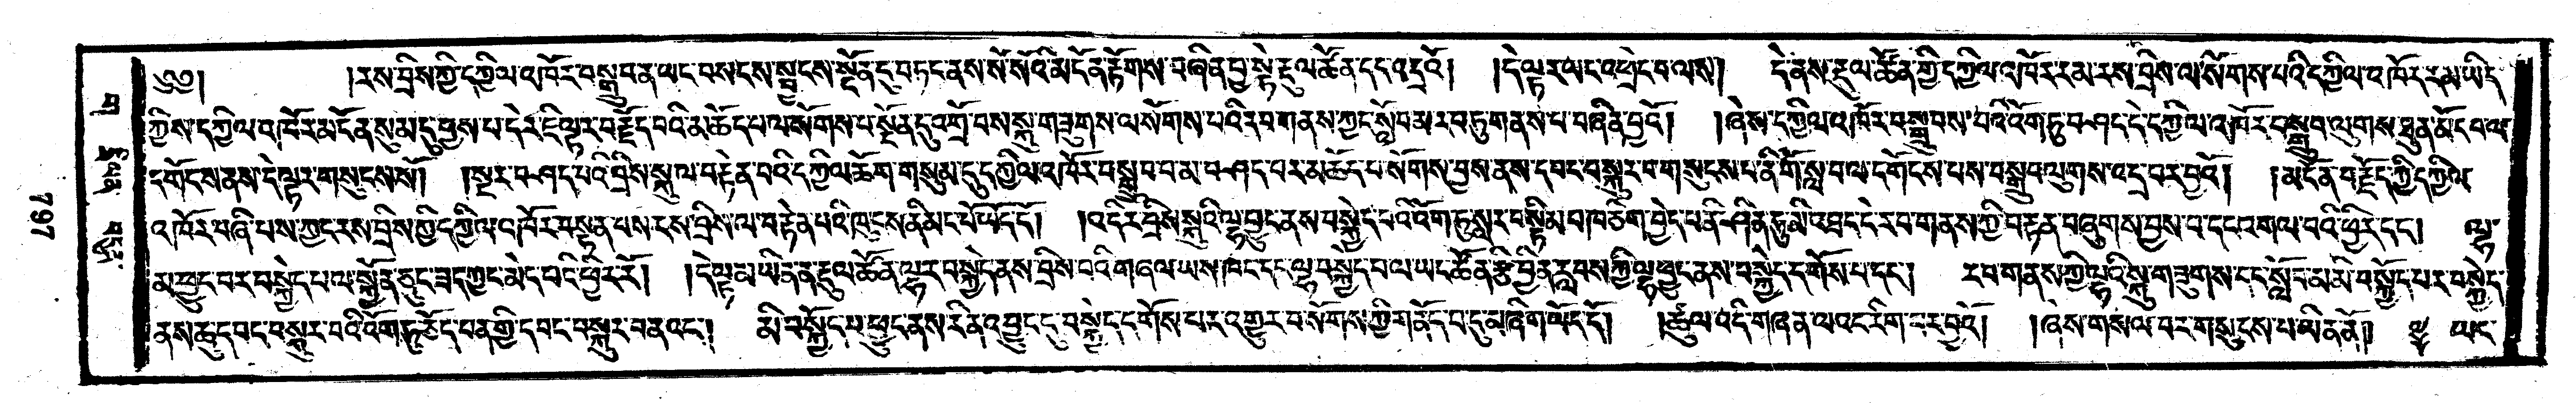༄༅། །རས་བྲིས་ཀྱི་དཀྱིལ་འཁོར་བསྒྲུབ་ན་ཡང་བསངས་སྦྱངས་སྔོན་དུ་བཏང་ནས་སོ་སོའི་མངོན་རྟོགས་བཞིན་བྱ་སྟེ་རྡུལ་ཚོན་དང་འདྲའོ། །དེ་ལྟར་ཡང་འཕྲེང་བ་ལས། དེ་ནས་རྡུལ་ཚོན་གྱི་དཀྱིལ་འཁོར་རམ་རས་བྲིས་ལ་སོགས་པའི་དཀྱིལ་འཁོར་རམ་ཡིད་
ཀྱིས་དཀྱིལ་འཁོར་མངོན་སུམ་དུ་བྱས་པ་དེར་ཇི་ལྟར་བརྗོད་པའི་མཆོད་པ་ལ་སོགས་པ་སྔོན་དུ་འགྲོ་བས་སྐུ་གཟུགས་ལ་སོགས་པའི་རབ་གནས་ཀྱང་སློབ་མ་རབ་ཏུ་གནས་པ་བཞིན་བྱའོ། །ཞེས་དཀྱིལ་འཁོར་བསྒྲུབས་པའི་འོག་ཏུ་བཤད་དེ་དཀྱིལ་འཁོར་བསྒྲུབ་ལུགས་ཐུན་མོང་བ་ལ་
དགོངས་ནས་དེ་ལྟར་གསུངས་སོ། །སྔར་བཤད་པའི་བྲིས་སྐུ་ལ་བརྟེན་པའི་དཀྱིལ་ཆོག་གསུམ་དུ་དཀྱིལ་འཁོར་བསྒྲུབ་པ་མ་བཤད་པར་མཆོད་པ་སོགས་བྱས་ནས་དབང་བསྐུར་བ་གསུངས་པ་ནི་གོ་སླ་བ་ལ་དགོངས་པས་བསྒྲུབ་ལུགས་འདྲ་བར་བྱའོ། །མངོན་བརྗོད་ཀྱི་དཀྱིལ་
འཁོར་བཞི་པས་ཀྱང་རས་བྲིས་ཀྱི་དཀྱིལ་འཁོར་བསྟན་པས་ངས་བྲིས་ལ་བརྟེན་པའི་ཁུངས་ནི་མང་པོ་ཡོད་དོ། །འདིར་བྲིས་སྐུའི་ལྷ་བྱུང་ནས་བསྐྱེད་པའི་འོག་ཏུ་སླར་བསྟིམ་པ་ཁ་ཅིག་བྱེད་པ་ནི་ཤིན་ཏུ་མི་འཐད་དེ་རབ་གནས་ཀྱི་བརྟན་བཞུགས་བྱས་པ་དང་འགལ་བའི་ཕྱིར་དང་། ལྷ་
མ་ཕྱུང་བར་བསྐྱེད་པ་ལ་སྐྱོན་ཅུང་ཟད་ཀྱང་མེད་པའི་ཕྱིར་རོ། །དེ་ལྟ་མ་ཡིན་ན་རྡུལ་ཚོན་ལྷར་བསྐྱེད་ནས་བྲིས་པའི་གཞལ་ཡས་ཁང་དང་ལྷ་བསྐྱེད་པ་ལ་ཡང་ཚོན་རྩི་བྱིན་རླབས་ཀྱི་ལྷ་ཕྱུང་ནས་བསྐྱེད་དགོས་པ་དང་། རབ་གནས་ཀྱི་ལྷའི་སྐུ་གཟུགས་དང་སློབ་མ་མི་བསྐྱོད་པར་བསྐྱེད་
ནས་ཆུ་དབང་བསྐུར་བའི་འོག་ཏུ་ཅོད་པན་གྱི་དབང་བསྐུར་བ་ནའང་། མི་བསྐྱོད་པ་ཕྱུང་ནས་རིན་འབྱུང་དུ་བསྐྱེད་དགོས་པར་འགྱུར་བ་སོགས་ཀྱི་གནོད་པ་དུ་མ་ཞིག་ཡོད་དོ། །ཚུལ་འདི་གཞན་ལའང་རིག་པར་བྱའོ། །ཞེས་གསལ་བར་གསུངས་པ་ཡིན་ནོ།། ༈ ཡང་